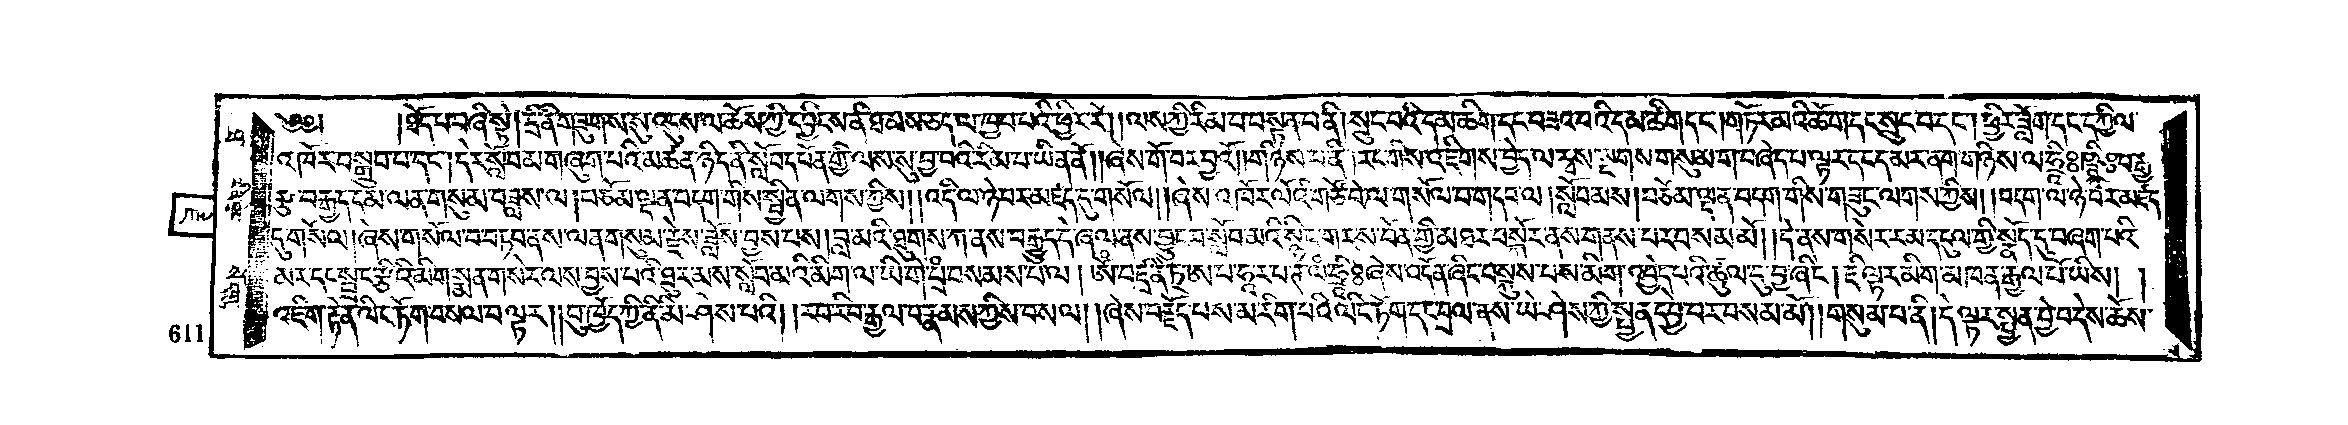༄༅། །ཐོད་པ་བཞི་སྟེ། དྲི་ནི་གཟུགས་སུ་འདུས་ལ་ཆོས་ཀྱི་དབྱིངས་ནི་ཐམས་ཅད་ལ་ཁྱབ་པའི་ཕྱིར་རོ། །ལས་ཀྱི་རིམ་པ་བསྟན་པ་ནི། སྲུང་བའི་དམ་ཚིག་དང་བཟའ་བའི་དམ་ཚིག་དང་། གཏོར་མའི་ཆོ་ག་དང་སྲུང་བ་དང་། ཕྱིར་ཟློག་དང་དཀྱིལ་
འཁོར་བསྒྲུབ་པ་དང་། དེར་སློབ་མ་གཞུག་པའི་མཚན་ཉིད་ནི་སློབ་དཔོན་གྱི་ལས་སུ་བྱ་བའི་རིམ་པ་ཡིན་ནོ། །ཞེས་གོ་བར་བྱའོ། །གཉིས་པ་ནི། རང་གིས་འཇིགས་བྱེད་ལ་རྭས་སྔགས་གསུམ་ག་བཞེད་པ་ལྟར་དང་དམར་ནག་གཉིས་ལ་ཧྲཱིཿ ཥྚྲཱིཿ བརྒྱ་
རྩ་བརྒྱད་དམ་ལན་གསུམ་བཟླས་ལ། བཅོམ་ལྡན་བདག་གིས་སྦྱིན་ལགས་ཀྱིས། །འདི་ལ་ཉེ་བར་མཛད་དུ་གསོལ། །ཞེས་འཁོར་ལོའི་གཙོ་བོ་ལ་གསོལ་བ་གདབ་ལ། སློབ་མས། བཅོམ་ལྡན་བདག་གིས་གཟུང་ལགས་ཀྱིས། །བདག་ལ་ཉེ་བར་མཛད་
དུ་གསོལ། ཞེས་གསོལ་བ་བཏབ་ནས་ལན་གསུམ་རྗེས་ཟློས་བྱས་པས། བླ་མའི་ཐུགས་ཀ་ནས་བརྒྱུད་དེ་ཞལ་ནས་བྱུང་བ་སློབ་མའི་སྙིང་གར་ས་བོན་གྱི་མཐར་ནས་གནས་པར་བསམ་མོ། །དེ་ནས་གསེར་རམ་དངུལ་གྱི་སྣོད་དུ་བཞག་པའི་
མར་དང་སྦྲང་རྩིའི་མིག་སྨན་གསེར་ལས་བྱས་པའི་ཐུར་མས་སློབ་མའི་མིག་ལ་ཡི་གེ་པྲཾ་བསམས་པ་ལ། ཨོཾ་བཛྲ་ནཻ་ཏྲ་ཨ་པ་ཧཱ་ར་པ་ཊ་ལཾ་ཧྲཱིཿ ཞེས་འདོན་ཞིང་བསྐུས་པས་མིག་འབྱེད་པའི་ཚུལ་དུ་བྱ་ཞིང་། ཇི་ལྟར་མིག་མཁན་རྒྱལ་པོ་ཡིས། །
འཇིག་རྟེན་ལིང་ཏོག་བསལ་བ་ལྟར། །བུ་ཁྱོད་ཀྱི་ནི་མི་ཤེས་པའི། །རབ་རིབ་རྒྱལ་བ་རྣམས་ཀྱིས་བསལ། །ཞེས་བརྗོད་པས་མ་རིག་པའི་ལིང་ཏོག་དང་བྲལ་ནས་ཡེ་ཤེས་ཀྱི་སྤྱན་དབྱེ་བར་བསམ་མོ། །གསུམ་པ་ནི། དེ་ལྟར་སྤྱན་བྱེ་བ་དེས་ཆོས་